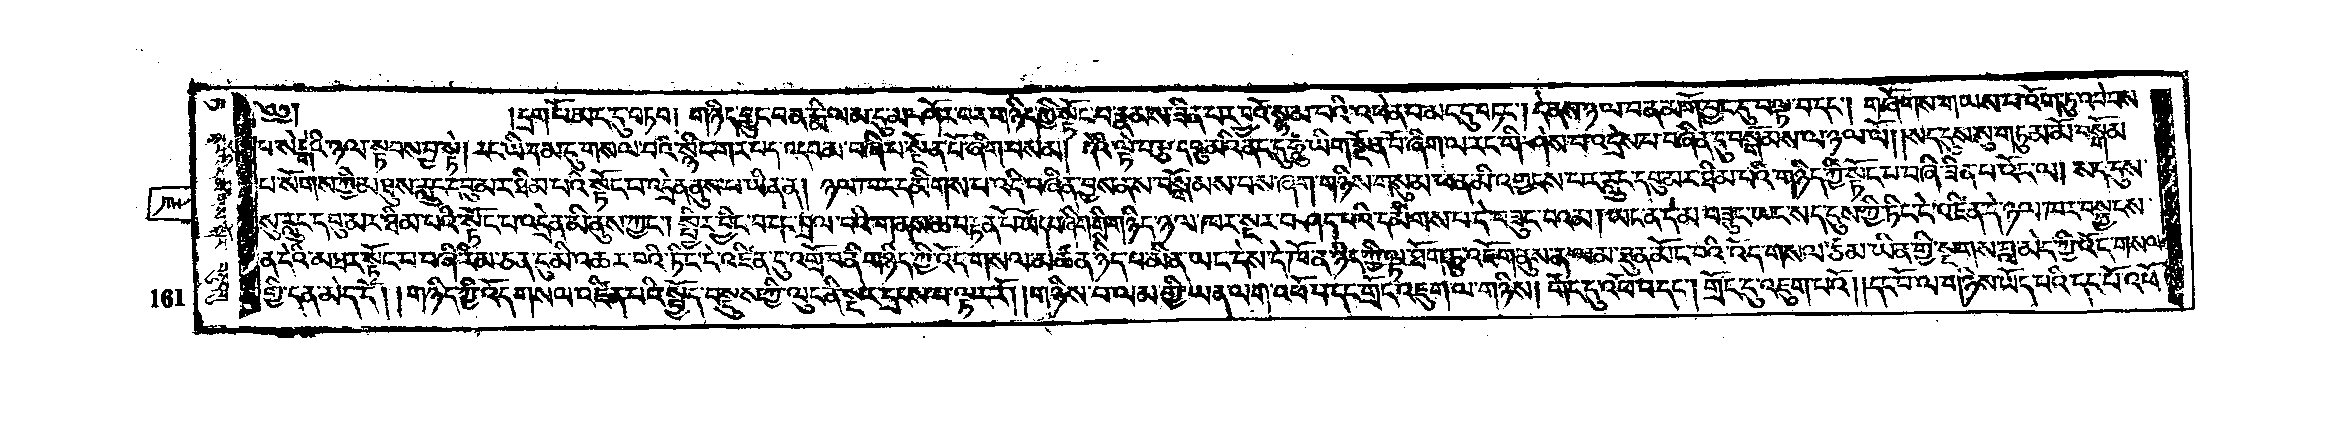༄༅། །དྲག་པོ་མང་དུ་བཏབ། གཉིད་བྱུང་བ་ན་རྨི་ལམ་དུ་མ་ཤོར་བར་གཉིད་ཀྱི་སྟོང་པ་རྣམས་ཟིན་པར་བྱའོ་སྙམ་པའི་འཕེན་པ་མང་དུ་བཏང་། དེ་ནས་ཉལ་བ་ན་མགོ་བྱང་དུ་བལྟ་བ་དང་། གཞོགས་གཡས་པ་འོག་ཏུ་འབེབས་
པ་སེངྒེའི་ཉལ་སྟབས་བྱ་སྟེ། རང་ཡི་དམ་དུ་གསལ་བའི་སྙིང་གར་པདམ་འདབ་མ་བཞི་པ་སྔོན་པོ་ཞིག་བསམ། དེའི་ལྟེ་བ་རྩ་དབུ་མའི་ནང་དུ་ཧཱུཾ་ཡིག་སྔོན་པོ་ཞིག་ལ་རང་གི་ཤེས་པ་འདྲེས་པ་བཞིན་དུ་བསྒོམས་ལ་ཉལ་ལོ། །སད་དུས་སུ་གཏུམ་མོ་བསྒོམ་
པ་སོགས་ཀྱི་མཐུས་རླུང་དབུ་མར་ཐིམ་པའི་སྟོང་པ་འདྲེན་ནུས་པ་ཡིན་ན། ཉལ་ཁར་དམིགས་པ་འདི་བཞིན་བྱས་ནས་བསྒོམས་པས་ཞག་གཉིས་གསུམ་ཕན་མི་འགྱངས་པར་རླུང་དབུ་མར་ཐིམ་པའི་གཉིད་ཀྱི་སྟོང་པ་བཞི་ཟིན་པ་འོང་ལ། སད་དུས་
སུ་རླུང་དབུ་མར་ཐིམ་པའི་སྟོང་པ་འདྲེན་མི་ནུས་ཀྱང་། སྤྱིར་བྱིང་བ་དང་བྲལ་བའི་གནས་ཆ་བརྟན་པོ་ཡོད་པ་ཞིག་གིས་གཉིད་ཉལ་ཁར་སྔར་བཤད་པའི་དམིགས་པ་དེ་བཟུང་བའམ། ཡང་ན་དེ་མ་བཟུང་ཡང་སད་དུས་ཀྱི་ཏིང་ངེ་འཛིན་དེ་ཉལ་ཁར་བསྐྱངས་
ན་དེའི་མཐར་སྟོང་པ་བཞི་རིམ་ཅན་དུ་མི་འཆར་བའི་ཏིང་ངེ་འཛིན་དུ་འགྲོ་བ་ནི་གཉིད་ཀྱི་འོད་གསལ་མཚན་ཉིད་པ་མིན་ཡང་དེས་དེ་ཁོ་ན་ཉིད་ཀྱི་ལྟ་ཐོག་ཏུ་འཇོག་ནུས་ན་ལམ་ཐུན་མོང་བའི་འོད་གསལ་ཙམ་ཡིན་གྱི་སྔགས་བླ་མེད་ཀྱི་འོད་གསལ་
གྱི་དོན་མེད་དོ། །གཉིད་ཀྱི་འོད་གསལ་འཛིན་པའི་སྤྱོད་བསྡུས་ཀྱི་ལུང་ནི་སྔར་དྲངས་པ་ལྟར་རོ། །གཉིས་པ་ལམ་གྱི་ཡན་ལག་འཕོ་བ་དང་གྲོང་འཇུག་ལ་གཉིས། གོང་དུ་འཕོ་བ་དང་། གྲོང་དུ་འཇུག་པའོ། །དང་པོ་ལ་གཉིས་ཡོད་པའི་དང་པོ་འཕོ་